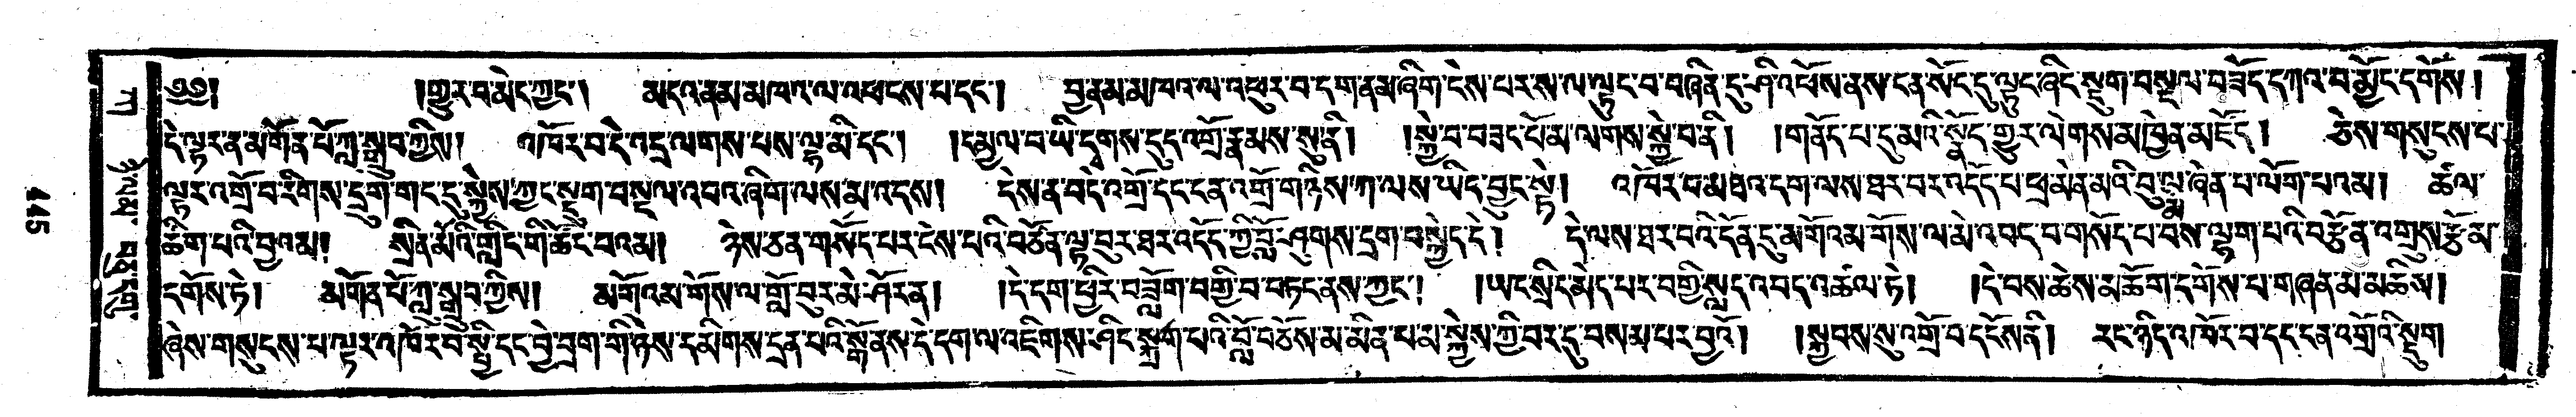༄༅། །གྱུར་བ་མེད་ཀྱང་། མདའ་ནམ་མཁའ་ལ་འཕངས་པ་དང་། བྱ་ནམ་མཁའ་ལ་འཕུར་བ་དག་རྣམ་ཞིག་ངེས་པར་ས་ལ་ལྟུང་བ་བཞིན་དུ་ཤི་འཕོས་ནས་ངན་སོང་དུ་ལྟུང་ཞིང་སྡུག་བསྔལ་བཟོད་དཀའ་བ་མྱོང་དགོས།
དེ་ལྟར་ན་མགོན་པོ་ཀླ་སྒྲུབ་ཀྱིས། འཁོར་བ་དེ་འདྲ་ལགས་པས་ལྷ་མི་དང་། །དམྱལ་བ་ཡི་དྭགས་དུད་འགྲོ་རྣམས་སུ་ནི། །སྐྱེ་བ་བཟང་པོ་མ་ལགས་སྐྱེ་བ་ནི། །གནོད་པ་དུ་མའི་སྣོད་གྱུར་ལེགས་མཁྱེན་མཛོད། ཅེས་གསུངས་པ་
ལྟར་འགྲོ་བ་རིགས་དྲུག་གང་དུ་སྐྱེས་ཀྱང་སྡུག་བསྔལ་འབའ་ཞིག་ལས་མ་འདས། དེས་ན་བདེ་འགྲོ་དང་ངན་འགྲོ་གཉིས་ཀ་ལས་ཡིད་བྱུང་སྟེ། འཁོར་བ་མཐའ་དག་ལས་ཐར་བར་འདོད་པ་ཕྲ་མེན་མའི་བུམ་ལ་ཞེན་པ་ཀོག་པའམ། ཚལ་
ཚིག་པའི་བྱའམ། སྲིན་མོའི་གླིང་གི་ཚོང་བའམ། ཉེས་ཅན་གསོད་པར་ངེས་པའི་བཙོན་ལྟ་བུར་ཐར་འདོད་ཀྱི་བློ་ཤུགས་དྲག་བསྐྱེད་དེ། དེ་ལས་ཐར་པའི་དོན་དུ་མགོའམ་གོས་ལས་མེ་འབད་པ་གསོད་པ་བས་ལྷག་པའི་བརྩོན་འགྲུས་རྩོམ་
དགོས་ཏེ། མགོན་པོ་ཀླུ་སྒྲུབ་ཀྱིས། མགོའམ་གོས་ལ་གློ་བུར་མེ་ཤོར་ན། །དེ་དག་ཕྱིར་བཟློག་བགྱི་བ་བཏང་ནས་ཀྱང་། །ཡང་སྲིད་མེད་པར་བགྱི་སླད་འབད་འཚལ་ཏེ། །དེ་བ་ཆེས་མཆོག་དགོས་པ་གཞན་མ་མཆིས།
ཞེས་གསུངས་པ་ལྟར་འཁོར་བ་སྤྱི་དང་བྱེ་བྲག་གི་ཉེས་དམིགས་དྲན་པའི་སྒོ་ནས་དེ་དག་ལ་འཇིགས་ཤིང་སྐྲག་པའི་བློ་བཅོས་མ་མིན་པ་མ་སྐྱེས་ཀྱི་བར་དུ་བསམ་པར་བྱའོ། །སྐྱབས་སུ་འགྲོ་བ་དངོས་ནི། རང་ཉིད་འཁོར་བ་དང་ངན་འགྲོའི་སྡུག་